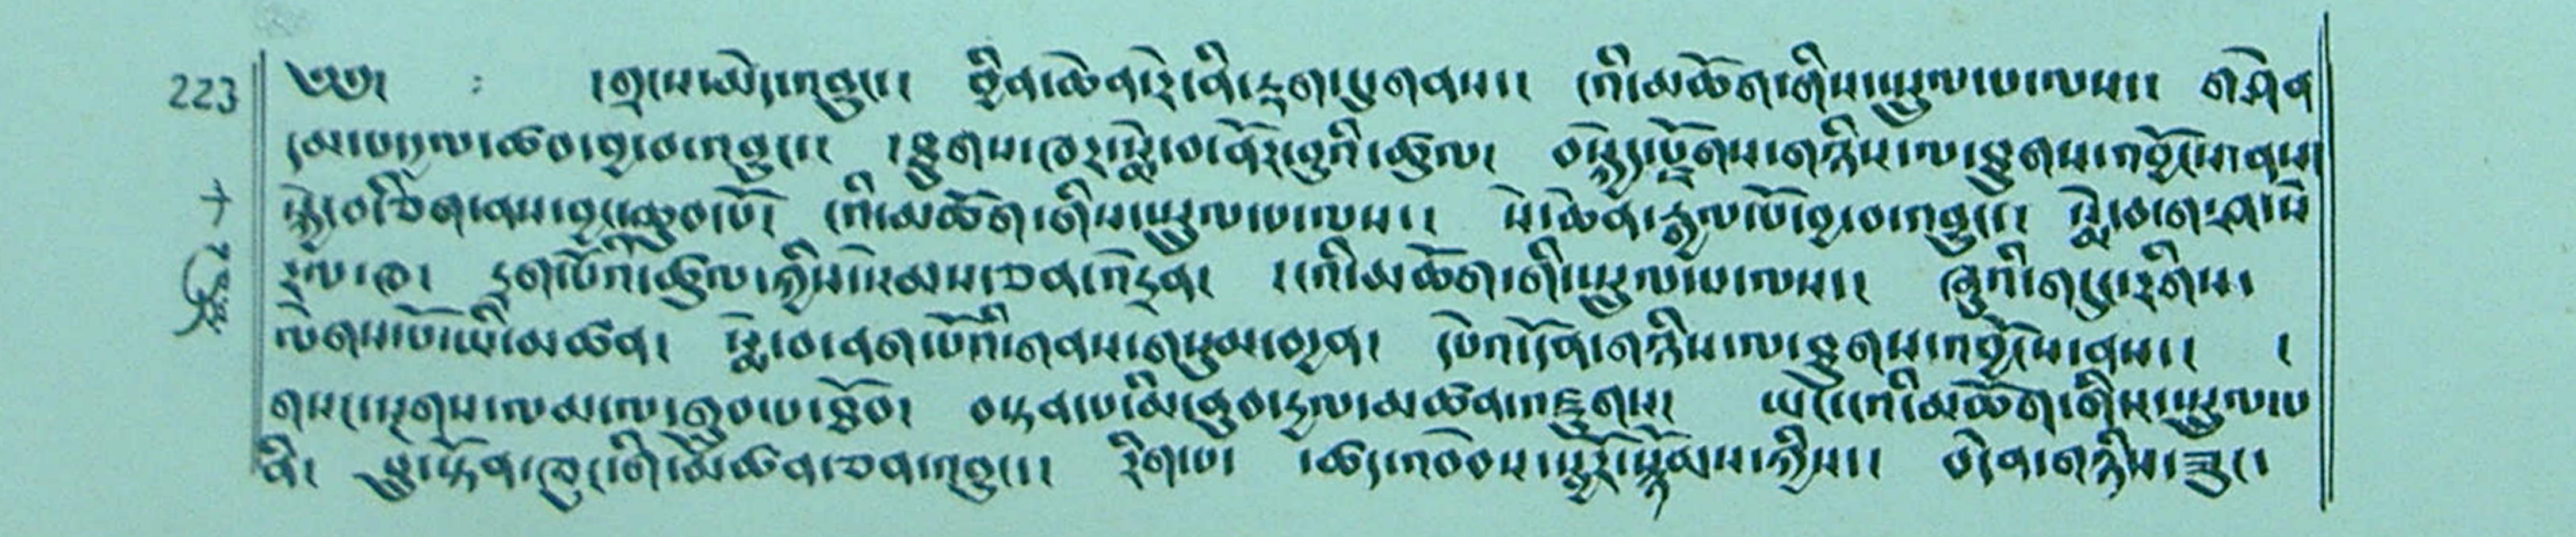༄༅། །གྲངས་མེད་འབྱུང་། བྱིན་ཆེན་རེ་ནི་རྟག་ཏུ་གནས། ང་ཡི་མཆོག་གི་སྤྲུལ་པ་ལས། གཤེན་
དམ་པ་རྒྱལ་ཚབ་བྱ་བ་འབྱུང་། ཐུགས་ཀར་སྨེ་བ་ནོར་བུའི་ཚུལ། བསྐྱེད་རྫོགས་གཉིས་ལ་ཐུགས་འབྱོངས་ནས། 
སྐྱེ་བ་གཅིག་ནས་བྱང་ཆུབ་པོ། ངའི་མཆོག་གི་སྤྲུལ་པ་ལས། སེ་ཆེན་རྒྱལ་བོ་བྱ་བ་འབྱུང་། སྨེ་བ་ག་ཤ་སེ་
རལ་ཁ། དྲག་པོའི་ཚུལ་གྱིས་སེམས་ཅན་འདྲེན། ང་ཡི་མཆོག་གི་སྤྲུལ་པ་ལས། ཞུ་ཡི་གདུང་རིགས་
ལེགས་པོ་ཡི་མཚན། སྨེ་བ་ནག་པོའི་གནས་གསུམ་བརྒྱན། དཔེའ་དོན་གཉིས་ལ་ཐུགས་འབྱོངས་ནས། 
གསང་སྔགས་ལམ་ལ་གྲུབ་པ་ཐོབ། བསྟན་པ་མི་ནུབ་རྒྱལ་མཚན་འཛུགས། ཡང་ངའི་མཆོག་གི་སྤྲུལ་པ་
ནི། བྲུ་སྟོན་ཁྱུང་གི་མཚན་ཅན་འབྱུང་། རིག་པ་ཚད་འབེབས་སྦྱོར་སྙོམས་ཀྱིས། བདེན་གཉིས་ཟུང་